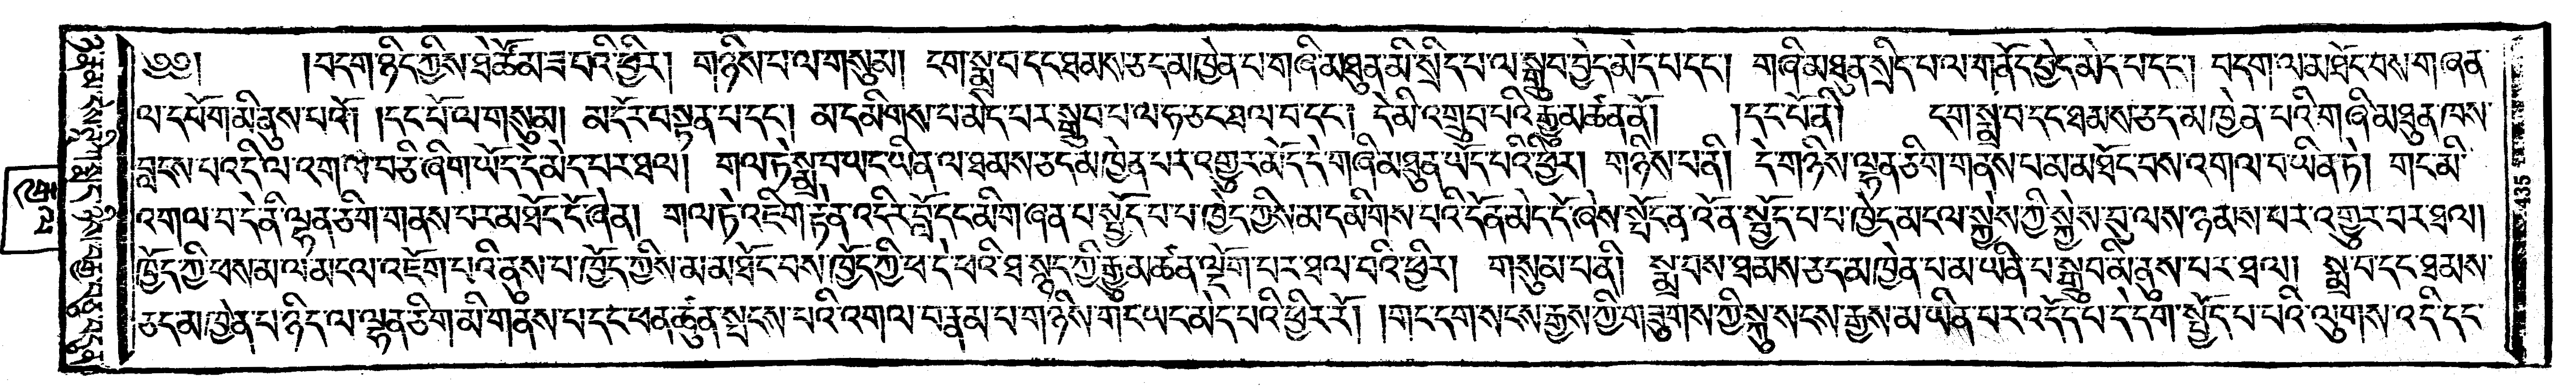༄༅། །བདག་ཉིད་ཀྱིས་ཐེ་ཚོམ་ཟ་བའི་ཕྱིར། གཉིས་པ་ལ་གསུམ། ངག་སྨྲ་བ་དང་ཐམས་ཅད་མཁྱེན་པ་གཞི་མཐུན་མི་སྲིད་པ་ལ་སྒྲུབ་བྱེད་མེད་པ་དང་། གཞི་མཐུན་སྲིད་པ་ལ་གནོད་བྱེད་མེད་པ་དང་། བདག་ལ་མཐོང་བས་གཞན་
ལ་དཔོག་མི་ནུས་པའོ། །དང་པོ་ལ་གསུམ། མདོར་བསྟན་པ་དང་། མ་དམིགས་པ་མེད་པར་སྒྲུབ་པ་ལ་ཧ་ཅང་ཐལ་བ་དང་། དེ་མི་འགྲུབ་པའི་རྒྱུ་མཚན་ནོ། །དང་པོ་ནི། དག་སྨྲ་བ་དང་ཐམས་ཅད་མཁྱེན་པའི་གཞི་མཐུན་ཁས་
བླངས་པ་འདི་ལ་འགལ་བ་ཅི་ཞིག་ཡོད་དེ་མེད་པར་ཐལ། གལ་ཏེ་སྨྲ་བ་ཡང་ཡིན་ལ་ཐམས་ཅད་མཁྱེན་པར་འགྱུར་མོད་དེ་གཞི་མཐུན་ཡོད་པའི་ཕྱིར། གཉིས་པ་ནི། དེ་གཉིས་ལྷན་ཅིག་གནས་པ་མ་མཐོང་བས་འགལ་བ་ཡིན་ཏེ། གང་མི་
འགལ་བ་དེ་ནི་ལྷན་ཅིག་གནས་པར་མཐོང་ངོ་ཞེ་ན། གལ་ཏེ་འཇིག་རྟེན་འདིར་བློ་དང་མི་གཞན་པ་སྤྱོད་པ་པ་ཁྱེད་ཀྱིས་མ་དམིགས་པའི་དོན་མེད་དོ་ཞེས་སྤོང་ན་འོ་ན་སྦྱོད་པ་པ་ཁྱེད་མངལ་སྐྱེས་ཀྱི་སྐྱེས་བུ་ལས་ཉམས་པར་འགྱུར་བར་ཐལ།
ཁྱོད་ཀྱི་ཕས་མ་ལ་མངལ་འཇོག་པའི་ནུས་པ་ཁྱོད་ཀྱིས་མ་མཐོང་བས་ཁྱོད་ཀྱི་ཕ་དེ་ཕའི་ཐ་སྙད་ཀྱི་རྒྱུ་མཚན་ལྡོག་པར་ཐལ་བའི་ཕྱིར། གསུམ་པ་ནི། སྨྲ་བས་ཐམས་ཅད་མཁྱེན་པ་མ་ཡིན་པ་སྒྲུབ་མི་ནུས་པར་ཐལ། སྨྲ་བ་དང་ཐམས་
ཅད་མཁྱེན་པ་ཉིད་ལ་ལྷན་ཅིག་མི་གནས་པ་དང་ཕན་ཚུན་སྤངས་པའི་འགལ་བ་རྣམ་པ་གཉིས་གང་ཡང་མེད་པའི་ཕྱིར་རོ། །གང་དག་སངས་རྒྱས་ཀྱི་གཟུགས་ཀྱི་སྐུ་སངས་རྒྱས་མ་ཡིན་པར་འདོད་པ་དེ་དག་སྤྱོད་པ་པའི་ལུགས་འདི་དང་